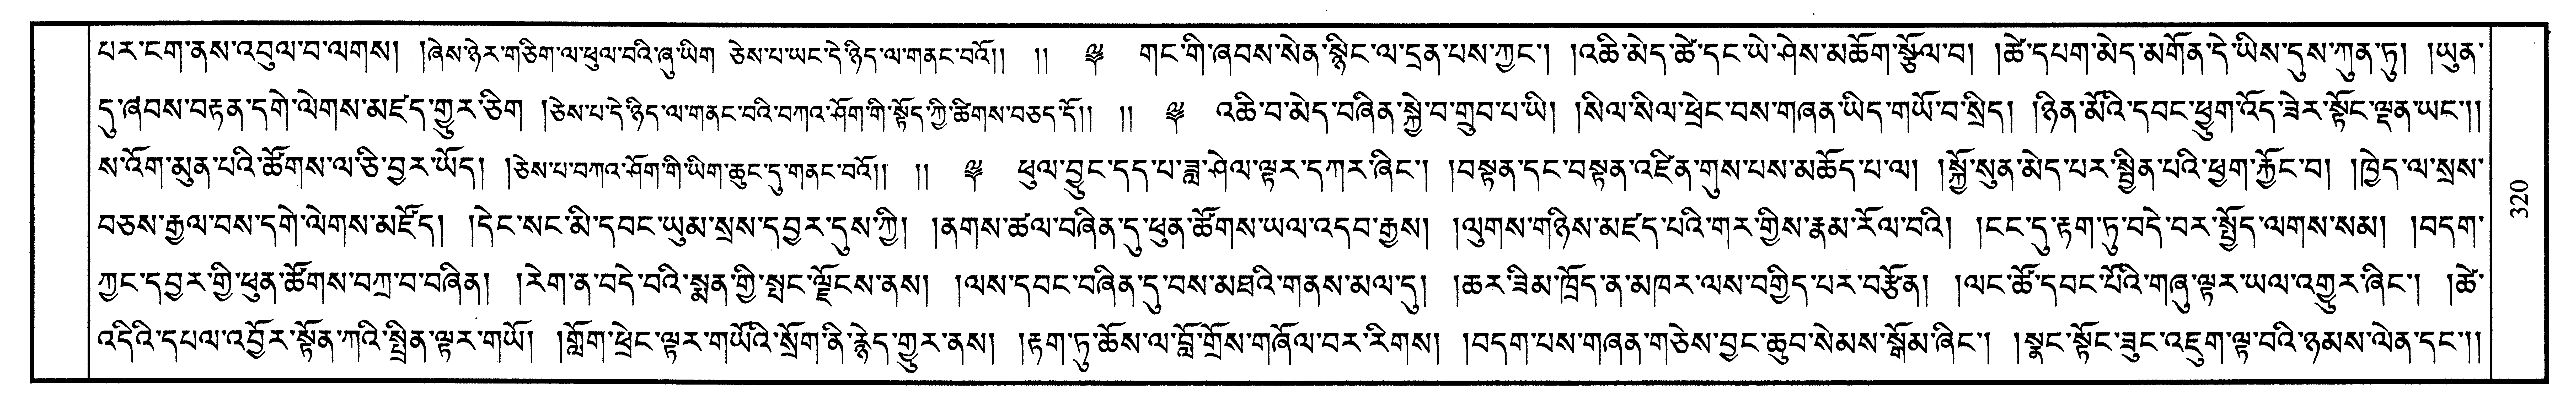པར་ངག་ནས་འབུལ་བ་ལགས། །ཞེས་ཉེར་གཅིག་ལ་ཕུལ་བའི་ཞུ་ཡིག་ཅེས་པ་ཡང་དེ་ཉིད་ལ་གནང་བའོ།། །། ༈ གང་གི་ཞབས་སེན་སྙིང་ལ་དྲན་པས་ཀྱང་། །འཆི་མེད་ཚེ་དང་ཡེ་ཤེས་མཆོག་སྩོལ་བ། །ཚེ་དཔག་མེད་མགོན་དེ་ཡིས་དུས་ཀུན་ཏུ། །ཡུན་
དུ་ཞབས་བརྟན་དགེ་ལེགས་མཛད་གྱུར་ཅིག །ཅེས་པ་དེ་ཉིད་ལ་གནང་བའི་བཀའ་ཤོག་གི་སྟོད་ཀྱི་ཚིགས་བཅད་དོ།། །། ༈ འཆི་བ་མེད་བཞིན་སྐྱེ་བ་གྲུབ་པ་ཡི། །སིལ་སིལ་ཕྲེང་བས་གཞན་ཡིད་གཡོ་བ་སྲིད། །ཉིན་མོའི་དབང་ཕྱུག་འོད་ཟེར་སྟོང་ལྡན་ཡང།།
ས་འོག་མུན་པའི་ཚོགས་ལ་ཅི་བྱར་ཡོད། །ཅེས་པ་བཀའ་ཤོག་གི་ཡིག་ཆུང་དུ་གནང་བའོ།། །། ༈ ཕུལ་བྱུང་དད་པ་ཟླ་ཤེལ་ལྟར་དཀར་ཞིང་། །བསྟན་དང་བསྟན་འཛིན་གུས་པས་མཆོད་པ་ལ། །སྐྱོ་སུན་མེད་པར་སྦྱིན་པའི་ཕྱག་རྐྱོང་བ། །ཁྱེད་ལ་སྲས་
བཅས་རྒྱལ་བས་དགེ་ལེགས་མཛོད། །དེང་སང་མི་དབང་ཡུམ་སྲས་དབྱར་དུས་ཀྱི། །ནགས་ཚལ་བཞིན་དུ་ཕུན་ཚོགས་ཡལ་འདབ་རྒྱས། །ལུགས་གཉིས་མཛད་པའི་གར་གྱིས་རྣམ་རོལ་བའི། །ངང་དུ་རྟག་ཏུ་བདེ་བར་སྤྱོད་ལགས་སམ། །བདག་
ཀྱང་དབྱར་གྱི་ཕུན་ཚོགས་བཀྲ་བ་བཞིན། །རེག་ན་བདེ་བའི་སྨན་གྱི་སྤང་ལྗོངས་ནས། །ལས་དབང་བཞིན་དུ་བས་མཐའི་གནས་མལ་དུ། །ཆར་ཟིམ་ཁྲོད་ན་མཁར་ལས་བགྱིད་པར་བརྩོན། །ལང་ཚོ་དབང་པོའི་གཞུ་ལྟར་ཡལ་འགྱུར་ཞིང་། །ཚེ་
འདིའི་དཔལ་འབྱོར་སྟོན་ཀའི་སྤྲིན་ལྟར་གཡོ། །གློག་ཕྲེང་ལྟར་གཡོའི་སྲོག་ནི་རྙེད་གྱུར་ནས། །རྟག་ཏུ་ཆོས་ལ་བློ་གྲོས་གཞོལ་བར་རིགས། །བདག་པས་གཞན་གཅེས་བྱང་ཆུབ་སེམས་སྒོམ་ཞིང་། །སྣང་སྟོང་ཟུང་འཇུག་ལྟ་བའི་ཉམས་ལེན་དང།།